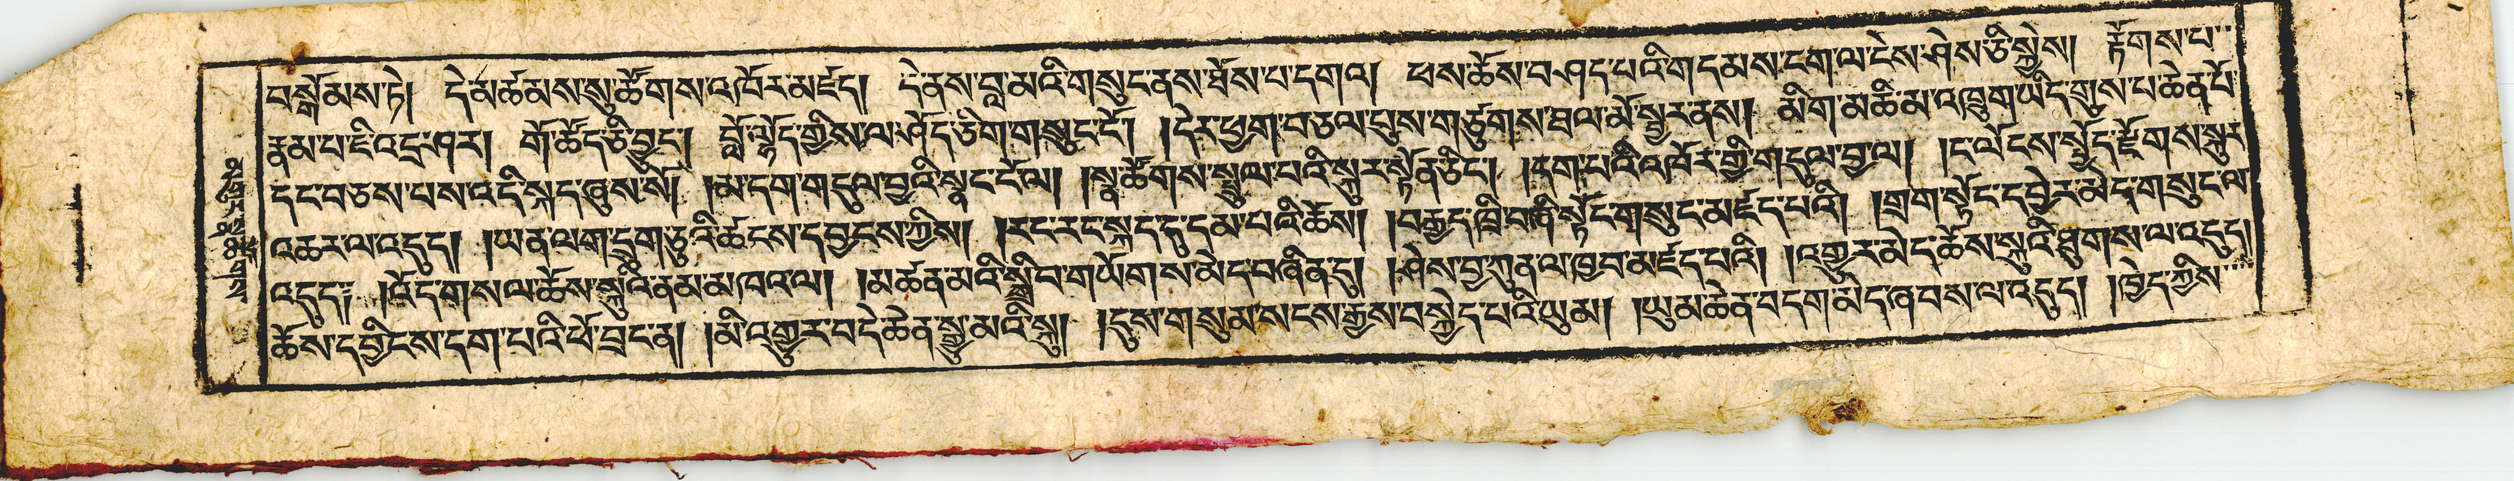བསྒོམས་ཏེ། དེ་མཚམས་སུ་ཚོགས་འཁོར་མཛད། དེ་ནས་བླ་མའི་གསུང་ནས་ཐོས་པ་དགའ། ཕས་ཆོས་བཤད་པའི་གདམས་ངག་ལ་ངེས་ཤེས་ཅི་སྐྱེས། རྟོགས་པ་
རྣམ་པ་ཇི་འདྲ་ཤར། གོ་ཚོད་ཅི་བྱུང་། བློ་ལྷོད་གྱིས་ལ་ཤོད་ཅིག་གསུང་ངོ་། །དེར་ཕྱག་བཙལ་པུས་བཙུགས་ཐལ་མོ་སྦྱར་ནས། མིག་མཆི་མ་འཁྲུག ཡིད་གུས་པ་ཆེན་པོ་
དང་བཅས་པས་འདི་སྐད་ཞུས་སོ། །མ་དག་གདུལ་བྱའི་སྣང་ངོ་ལ། །སྣ་ཚོགས་སྤྲུལ་བའི་སྐུར་སྟོན་ཅིང། །དག་པའི་འཁོར་གྱི་གདུལ་བྱ་ལ། །ང་ལོངས་སྤྱོད་རྫོགས་སྐུར་
འཆར་ལ་འདུད། །ཡན་ལག་དྲུག་ཏུའི་ཚངས་དབྱངས་ཀྱིས། །རང་རང་སྐད་དུ་དམ་པའི་ཆོས། །བརྒྱད་ཁྲི་བའི་སྟོང་གསུང་མཛད་པའི། །གྲག་སྟོང་དབྱེར་མེད་གསུང་
ལ་འདུད༑ །འོད་གསལ་ཆོས་སྐུའི་ནམ་མཁའ་ལ། །མཚན་མའི་སྒྲིབ་གཡོགས་མེད་བཞིན་དུ། །ཤེས་བྱ་ཀུན་ལ་ཁྱབ་མཛད་པའི། །འགྱུར་མེད་ཆོས་སྐུའི་ཐུགས་ལ་འདུད། 
ཆོས་དབྱིངས་དག་པའི་ཕོ་བྲང་ན། །མི་འགྱུར་བདེ་ཆེན་སྒྱུ་མའི་སྐུ། །དུས་གསུམ་སངས་རྒྱས་བསྐྱེད་པའི་ཡུམ། །ཡུམ་ཆེན་བདག་མེད་ཞབས་ལ་འདུད། །ཁྱེད་ཀྱིས་